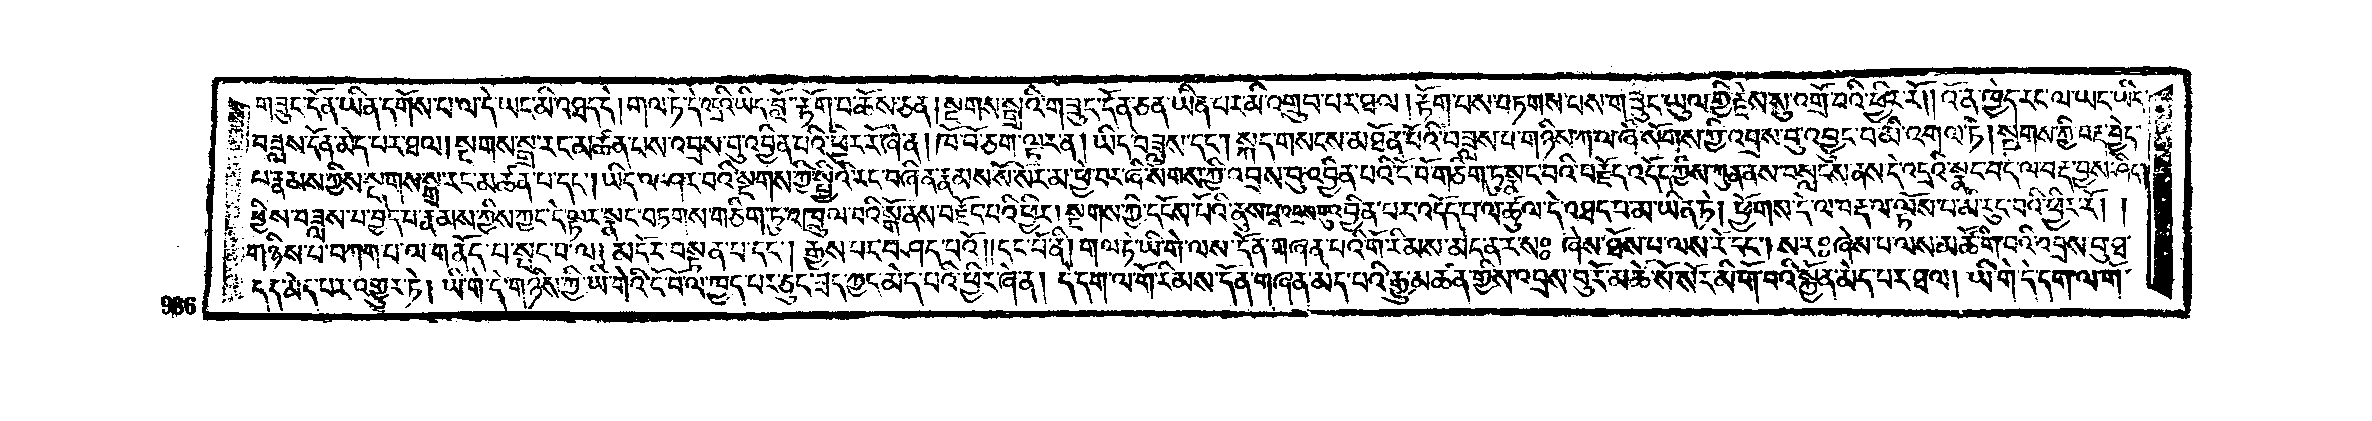གཟུང་དོན་ཡིན་དགོས་པ་ལ་དེ་ཡང་མི་འཐད་དེ། གལ་ཏེ་དེ་འདྲའི་ཡིད་བློ་རྟོག་པ་ཆོས་ཅན། སྔགས་སྒྲའི་གཟུང་དོན་ཅན་ཡིན་པར་མི་འགྲུབ་པར་ཐལ། རྟོག་པས་བཏགས་པས་གཟུང་ཡུལ་གྱི་རྗེས་སུ་འགྲོ་བའི་ཕྱིར་རོ། །འོ་ན་ཁྱེད་རང་ལ་ཡང་ཡིད་
བཟླས་དོན་མེད་པར་ཐལ། སྔགས་སྒྲ་རང་མཚན་པས་འབྲས་བུ་འབྱིན་པའི་ཕྱིར་རོ་ཞེ་ན། ཁོ་བོ་ཅག་ལྟར་ན། ཡིད་བཟླས་དང་། སྐད་གསངས་མཐོན་པོའི་བཟླས་པ་གཉིས་ཀ་ལ་ཞི་སོགས་ཀྱི་འབྲས་བུ་འབྱུང་བ་མི་འགལ་ཏེ། སྔགས་ཀྱི་བརྡ་བྱེད་
པ་རྣམས་ཀྱིས་སྔགས་སྒྲ་རང་མཚན་པ་དང་། ཡིད་ལ་ཤར་བའི་སྔགས་ཀྱི་སྤྱིའི་རང་བཞིན་རྣམས་སོ་སོར་མ་ཕྱེ་བར་ཞི་སོགས་ཀྱི་འབྲས་བུ་འབྱིན་པའི་ངོ་བོ་གཅིག་ཏུ་སྣང་བའི་བརྗོད་འདོད་ཀྱིས་ཀུན་ནས་བསླངས་ནས་དེ་འདྲའི་སྣང་བ་དེ་ལ་བརྡ་བྱས་ཤིང་།
ཕྱིས་བཟླས་པ་བྱེད་པ་རྣམས་ཀྱིས་ཀྱང་དེ་ལྟར་སྣང་བཏགས་གཅིག་ཏུ་འཁྲུལ་བའི་སྒོ་ནས་བརྗོད་པའི་ཕྱིར། སྔགས་ཀྱི་དངོས་པོའི་ནུས་པས་འབྲས་བུ་འབྱིན་པར་འདོད་པ་ལ་ཚུལ་དེ་འཐད་པ་མ་ཡིན་ཏེ། ཕྱོགས་དེ་ལ་བརྡ་ལ་ལྟོས་པ་མི་རུང་བའི་ཕྱིར་རོ། །
གཉིས་པ་བཀག་པ་ལ་གནོད་པ་སྤང་བ་ལ། མདོར་བསྟན་པ་དང་། རྒྱས་པར་བཤད་པའོ། །དང་པོ་ནི། གལ་ཏེ་ཡི་གེ་ལས་དོན་གཞན་པའི་གོ་རིམས་མེད་ན་ར་སཿ ཞེས་ཐོས་པ་ལས་རོ་དང་། ས་རཿ ཞེས་པ་ལས་མཚོ་གི་བའི་འབྲས་བུ་ཐ་
དད་མེད་པར་འགྱུར་ཏེ། ཡི་གེ་དེ་གཉིས་ཀྱི་ཡི་གེའི་ངོ་བོ་ལ་ཁྱད་པར་ཅུང་ཟད་ཀྱང་མེད་པའི་ཕྱིར་ཞེ་ན། དེ་དག་ལ་གོ་རིམས་དོན་གཞན་མེད་པའི་རྒྱུ་མཚན་གྱིས་འབྲས་བུ་རོ་མཚོ་སོ་སོར་མི་གོ་བའི་སྐྱོན་མེད་པར་ཐལ། ཡི་གེ་དེ་དག་ལ་གོ་